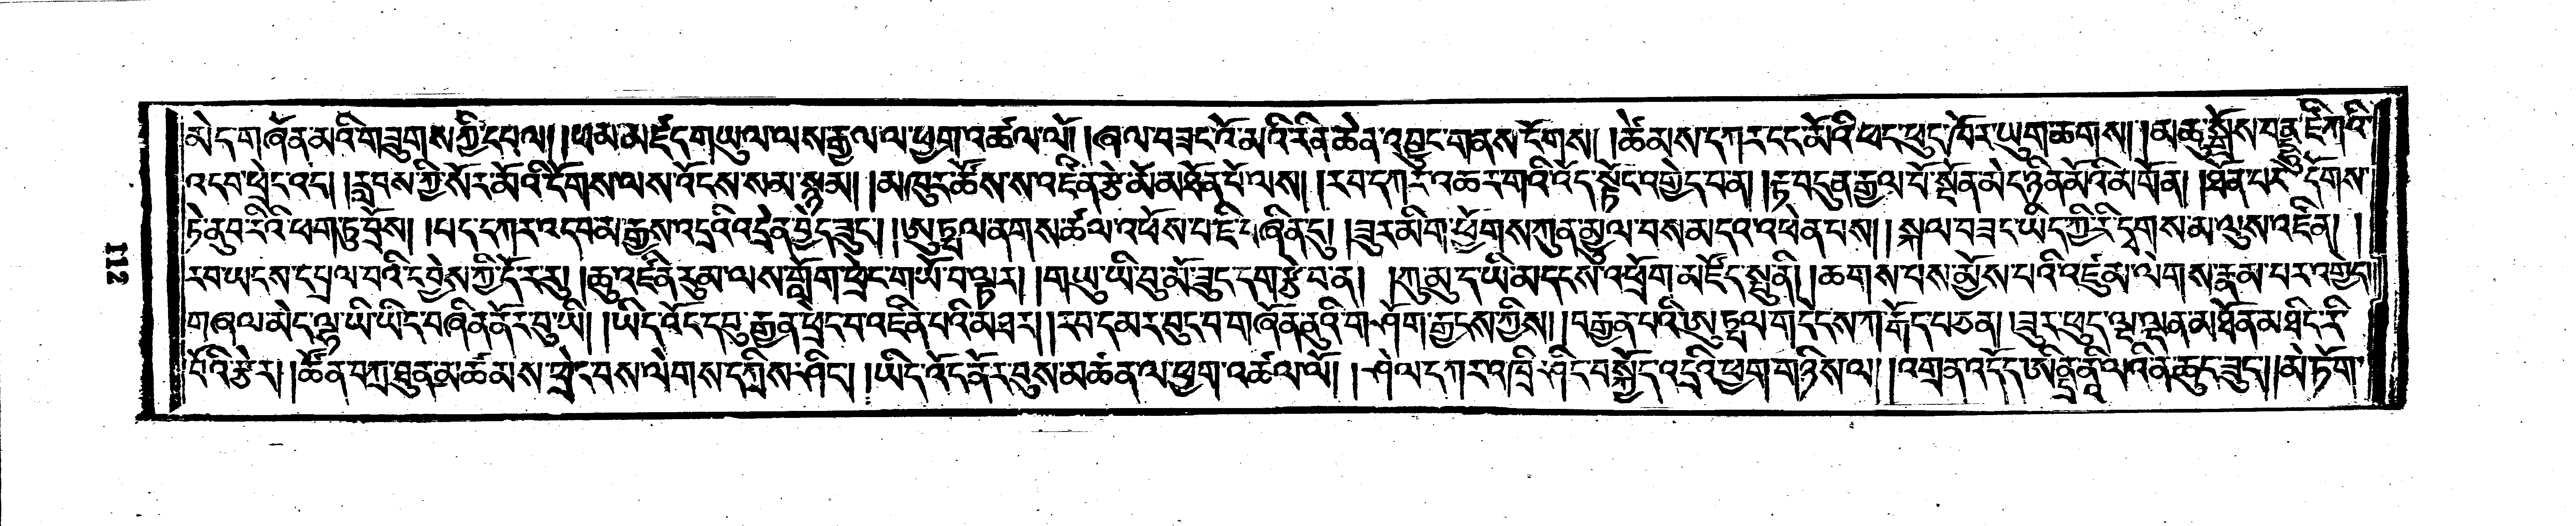མེད་གཞོན་མའི་གཟུགས་གྱི་དཔལ། །ཕམ་མཛད་གཡུལ་ལས་རྒྱལ་ལ་ཕྱག་འཚལ་ལོ། །ཞལ་བཟང་འོ་མའི་རིན་ཆེན་འབྱུང་གནས་ངོགས། །ཚེམས་དཀར་ངང་མོའི་ཕང་ཕུང་ཁོར་ཡུག་ཆགས། །མཆུ་སྒྲོས་བནྡྷུ་ཛི་ཀའི་
འདབ་ཕྲེང་འདི། །རླབས་ཀྱི་སོར་མོའི་རོགས་ལས་འོངས་སམ་སྙམ། །མཁུར་ཚོས་ས་འཛིན་རྩེ་མོ་མཐོན་པོ་ལས། །རབ་དཀར་འཆར་གའི་འོད་སྟོང་འགྱེད་པ་ན། །རྟ་བདུན་རྒྱལ་པོ་སྔོན་མེད་ཉིན་མོའི་མགོན། །ཐོན་པར་དོགས་
ཏེ་ནུབ་རིའི་ཕག་ཏུ་བྲོས། །པད་དཀར་འདབ་མ་རྒྱས་འདྲའི་འདྲེན་བྱེད་ཟུང་། །ཨུཏྤལ་ནགས་ཚལ་འཕོས་པ་ཇི་བཞིན་དུ། །ཟུར་མིག་ཕྱོགས་ཀུན་མྱུལ་བས་མདའ་འཕེན་པས། །སྐལ་བཟང་ཡིད་ཀྱི་རི་དྭགས་མ་ལུས་འཛིན། །
རབ་ཡངས་དཔྲལ་བའི་དབྱེས་ཀྱི་དོ་ར་རུ། །ཆུ་འཛིན་རུམ་ལས་གློག་ཕྲེང་གཡོ་བ་ལྟར། །གཡུ་ཡི་བུ་མོ་ཟུང་དག་རྩེ་བ་ན། །ཀུ་མུ་ད་ཡི་མདངས་འཕྲོག་མཛོད་སྤུ་ནི། །ཆགས་པས་མྱོས་པའི་འཛུམ་ལེགས་རྣམ་པར་འགྱེད། །
གཞལ་མེད་ལྷ་ཡི་ཡིད་བཞིན་ནོར་བུ་ཡི། །ཡིད་འོང་དབུ་རྒྱན་ཕྲེང་བ་འཛིན་པའི་མཐར། །རབ་དམར་བུང་བ་གཞོན་ནུའི་གཤོག་རྒྱངས་ཀྱིས། །བརྒྱན་པའི་ཨུཏྤལ་གདེངས་ཀ་རྒོད་པ་ཅན། །ཟུར་ཕུད་ལྔ་ལྡན་མཐོན་མཐིང་རི་
བོའི་རྩེར། །ཚོན་བཀྲ་ཐུན་མཚམས་ཕྲེང་བས་ལེགས་དཀྲིས་ཤིང་། །ཡིད་འོང་ནོར་བུས་མཚན་ལ་ཕྱག་འཚལ་ལོ། །ཤེལ་དཀར་འཁྲི་ཤིང་བསྐྱོད་འདྲའི་ཕྱག་གཉིས་ལ། །འགྲན་འདོད་ཨིནྡྲ་ནཱི་ལའི་ན་ཆུང་ཟུང་། །མེ་ཏོག་